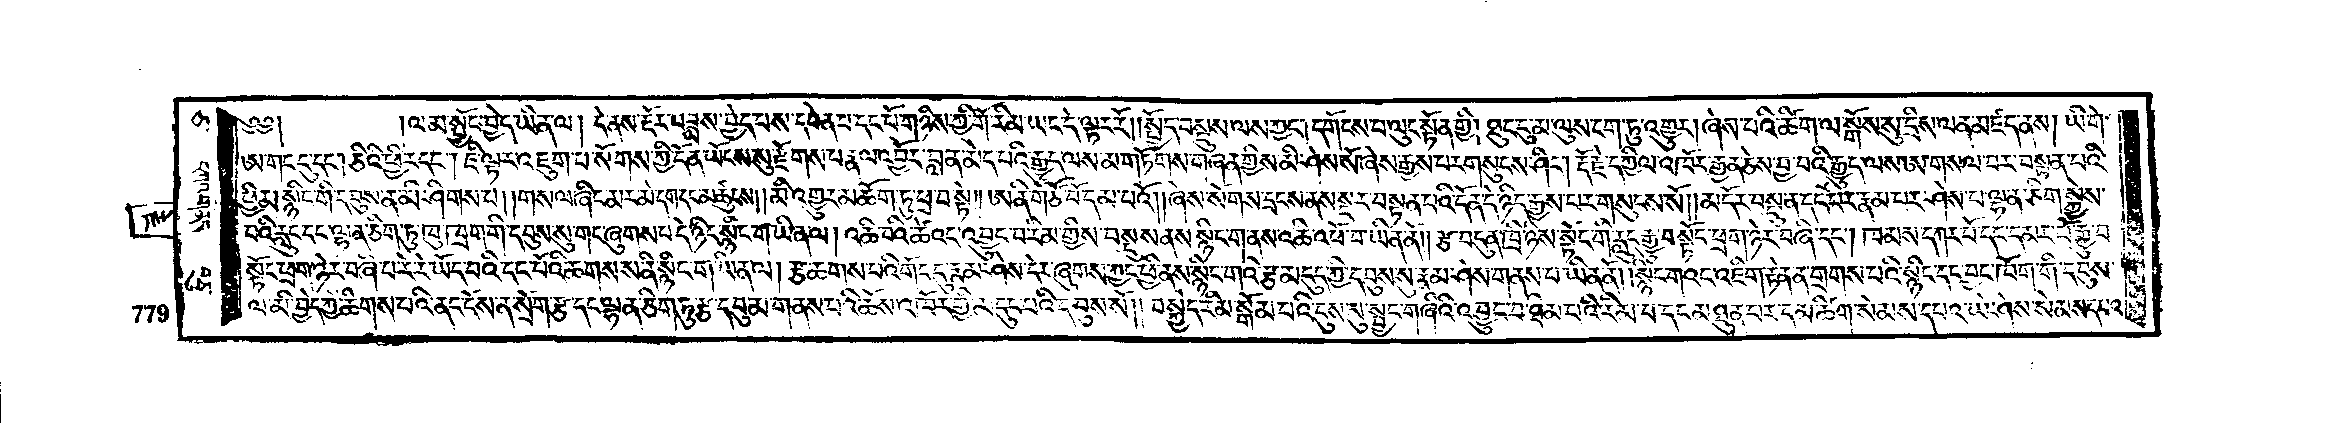༄༅། །ལམ་སྦྱོང་བྱེད་ཡིན་ལ། དེ་ནས་རྡོར་བཟླས་བྱེད་པས་དབེན་པ་དང་པོ་གཉིས་ཀྱི་གོ་རིམ་ཡང་དེ་ལྟར་རོ། །སྤྱོད་བསྡུས་ལས་ཀྱང་། དགོངས་པ་ལུང་སྟོན་གྱི། ཐུང་ངུ་མ་ལུས་ངག་ཏུ་འགྱུར། ཞེས་པའི་ཚིག་ལ་སྒོས་སུ་དྲིས་ལན་མཛད་ནས། ཡི་གེ་
ཨ་གང་དུ་དང་། ཅིའི་ཕྱིར་དང་། ཇི་ལྟར་འཇུག་པ་སོགས་ཀྱི་དོན་ཡོངས་སུ་རྫོགས་པ་རྣལ་འབྱོར་བླ་ན་མེད་པའི་རྒྱུད་ལས་མ་གཏོགས་གཞན་གྱིས་མི་ཤེས་སོ་ཞེས་རྒྱས་པར་གསུངས་ཤིང་། རྡོ་རྗེ་དཀྱིལ་འཁོར་རྒྱན་ཅེས་བྱ་བའི་རྒྱུད་ལས་ཨ་གསལ་བར་བསྟན་པའི་
ཕྱིར། སྙིང་གི་དབུས་ན་མི་ཤིགས་པ། །གསལ་ཞིང་མར་མེ་དག་དང་མཚུངས། །མི་འགྱུར་མཆོག་ཏུ་ཕྲ་བ་སྟེ། །ཨ་ནི་གཙོ་བོ་དམ་པའོ། །ཞེས་སོགས་དྲངས་ནས་སྔར་བསྟན་པའི་དོན་དེ་ཉིད་རྒྱས་པར་གསུངས་སོ། །མདོར་བསྡུ་ན་དང་པོར་རྣམ་པར་ཤེས་པ་ལྷན་ཅིག་སྐྱེས་
པའི་རླུང་དང་ལྷན་ཅིག་ཏུ་ཁུ་ཁྲག་གི་དབུས་སུ་གང་ཞུགས་པ་དེ་ཉིད་སྙིང་ག་ཡིན་ལ། འཆི་བའི་ཚེའང་འབྱུང་བ་རིམ་གྱིས་བསྡུས་ནས་སྙིང་ག་ནས་འཆི་འཕོ་བ་ཡིན་ནོ། །རྩ་བདུན་ཁྲི་ཉིས་སྟོང་གི་རླུང་རྒྱུ་བ་སྟོང་ཕྲག་ཉེར་བཞི་དང་། ཁམས་དཀར་པོ་དང་དམར་པོ་རྒྱུ་བ་
སྟོང་ཕྲག་ཉེར་བཞི་པ་རེ་རེ་ཡོད་པའི་དང་པོའི་ཆགས་ས་ནི་སྙིང་ག་ཡིན་ལ། རྩ་ཆགས་པའི་གོང་དུ་རྣམ་ཤེས་དེར་ཞུགས་ཀྱང་ཕྱི་ནས་སྙིང་གའི་རྩ་མདུད་ཀྱི་དབུས་སུ་རམ་ཤེས་གནས་པ་ཡིན་ནོ། །སྙིང་གའང་འཇིག་རྟེན་ན་གྲགས་པའི་སྙིང་དང་བྱང་ཁོག་གི་དབུས་
ལ་མི་བྱེད་ཀྱི་ཆིགས་པའི་ནང་ངོས་ན་སྲོག་རྩ་དང་ལྷན་ཅིག་ཏུ་རྩ་དབུ་མ་གནས་པའི་ཆོས་འཁོར་གྱི་མདུང་པའི་དབུས་སོ། །བསྐྱེད་རིམ་སྒོམ་པའི་དུས་སུ་སྦྱང་གཞིའི་འབྱུང་བ་ཐིམ་པའི་རིམ་པ་དང་མཐུན་པར་དམ་ཚིག་སེམས་དཔའ་ཡེ་ཤེས་སེམས་དཔའ་